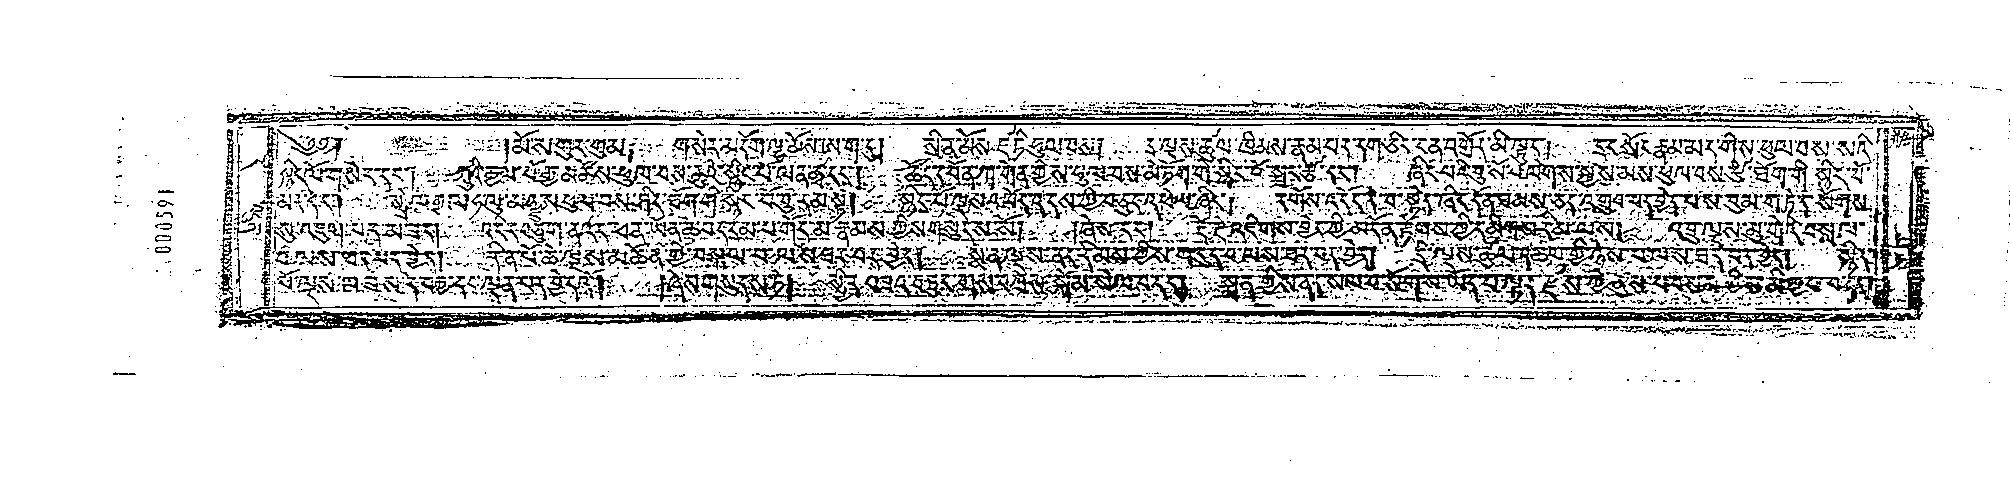༄༅། །མོས་གུར་གུམ། གསེར་མདོག་ལྷ་མོས་ཨ་ག་རུ། སྲིན་མོས་ཛ་ཏི་ཕུལ་བས། དྲ་ལྔས་ཚུལ་ཁྲིམས་རྣམ་པར་དག་ཅིང་ངན་འགྲོར་མི་ལྟུང་། དྲང་སྲོང་རྣམ་མང་གིས་ཕུལ་བས་སའི་
སྙིང་པོ་གསེར་དང་། ཀླུའི་རྒྱལ་པོ་རྒྱ་མཚོས་ཕུལ་བས་ཆུའི་སྙིང་པོ་ལན་ཚྭ་དང་། ཚོད་དབོན་ཀ་གེན་གྱིས་ཕུལ་བས་མེ་ཏོག་གི་སྙིང་པོ་སྦྲང་རྩ་དང་། ཞིང་པའི་བུ་སོ་པ་ལེགས་སྐྱེས་མས་ཕུལ་བས་རྩི་ཐོག་གི་སྙིང་པོ་
མར་དང་། སྤྲེལ་རྒྱལ་ཧ་ལུ་མཉྫུས་ཕུལ་བས་ཤིང་ཐོག་གི་སྙིང་པོ་བུ་རམ་སྟེ། སྙིང་པོ་ལྔས་འཁོར་འདས་ཀྱི་བཅུད་འཕེལ་ཞིང་། དགོས་འདོད་རེ་བ་སྟེར་ཞིང་དོན་ཐམས་ཅད་འགྲུབ་པར་བྱེད་པས་བུམ་གཏེར་སོགས་
སུ་འཇུག་པར་མ་ཟད། འདིར་བཅུག་ནའང་ཕན་ཡོན་ཆེ་བར་དམ་པ་གོང་མ་རྣམས་ཀྱིས་གསུངས་སོ། །ཞེས་དང་། རྡོ་རྗེ་འཇིགས་བྱེད་ཀྱི་མངོན་རྟོགས་ཀྱི་དམིགས་རིམ་ལས། འབྲུ་ལྔས་མུ་གེའི་བསླལ་
བ་ལས་ཐར་པར་བྱེད། རིན་པོ་ཆེ་ལྔས་མཆོན་གྱི་བསྐལ་པ་ལས་ཐར་བར་བྱེད། སྨན་ལྔས་ནད་རིམས་ཀྱིས་གདུད་བ་ལས་ཐར་བར་བྱེད། དྲི་ལྔས་ཚུལ་འཆལ་གྱི་ཉེས་པ་ལས་ཐར་བར་བྱེད། སྙིང་
པོ་ལྔས་ཁ་ཟས་རེ་བརྒྱ་དང་ལྡན་པར་བྱེད་འོ། །ཞེས་གསུངས་ཏེ། སྤྱིར་བཟའ་བཏུང་གིས་བཀྲེས་སྐོམ་སེལ་བ་དང་། སྨན་གྱིས་ནད་སལ་བ་སོགས་ཡོད་པ་ལྟར་རྫས་ཀྱི་ནུས་པ་བསམ་གྱིས་མི་ཁྱབ་བ་དང་།